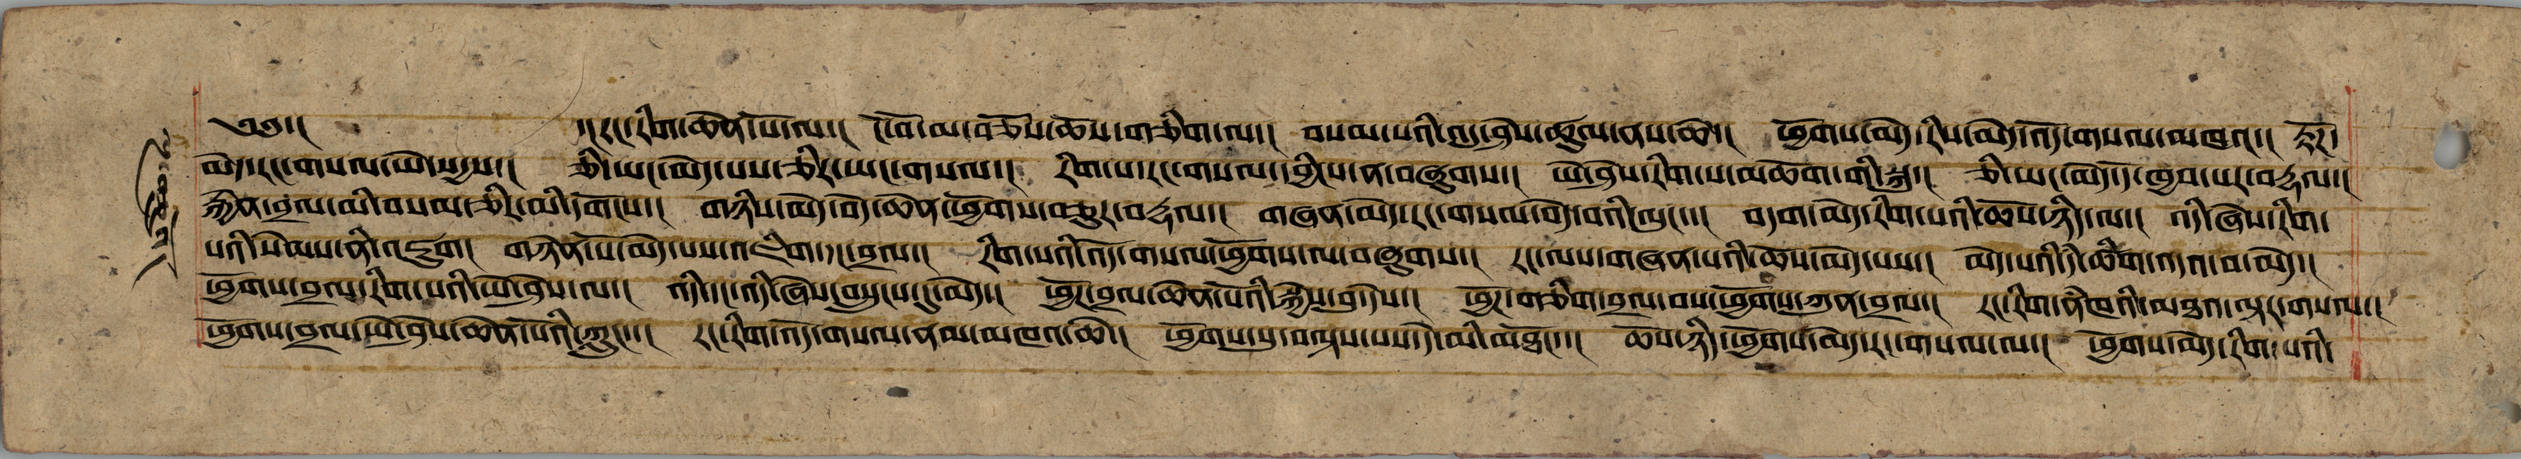༄༅་། ་།རང་རིག་ཆེན་པོ་ལ་། ངོ་བོ་མ་བཅོས་ཆོས་གཅིག་ལ་། བསམ་པའི་འདུ་ཤེས་ཚུལ་ནས་ཆེ་། ཕྱོགས་མེད་རིས་མེད་འོད་གསལ་མཁའ་། རྟོཌ་
མེད་རང་གསལ་ཡེ་སདྱས་། ཅི་ཡང་མེད་པས་ཅིར་ཡང་གསལ་། རིག་པ་རང་གསལ་དབྱིངས་ན་བཞུགས་། ཡེ་ཤེས་རིག་པ་མཆོག་གི་སྐུ་། ཅི་ཡང་མེད་དོ་ཁྱབ་པར་བརྡལ་།
རྐྱེན་བྲལ་མི་བསམ་ཅིར་མི་དགོངས་། གཉིས་མེད་བདེ་ཆེན་ཕྱོགས་བཅུར་བརྡལ་། གཞན་མེད་རང་གསལ་བདེ་བའི་ལུང་་། བདག་མེད་རིག་པའི་ཆོས་ཉིད་ལ་། འདི་ཞེས་རིག་
པའི་སེམས་ནི་འཇུག། གཉེན་པོ་མེད་པས་འཇིག་དང་བྲལ་། རིག་པའི་འོད་གསལ་ཕྱོགས་ལ་བཞུགས་། རང་ལས་གཞན་པའི་ཆོས་མེད་པས་། མེད་པའི་དཾ་ཚིག་འདའ་བ་མེད་།
ཕྱོགས་བྲལ་རིག་པའི་ཡེ་ཤེས་ལ་། འདི་དང་འདི་ཞེས་བསྲུངས་དུ་མེད་། ཕྱོཌ་བྲལ་ཆེན་པོའི་སྐྱེས་བུ་དེས་། ཕྱོཌ་གཅིག་བྲལ་བས་ཕྱོགས་ཀུན་བྲལ་། རང་རིག་ནཾཁའི་མཐའ་ལྟར་གསལ་།
ཕྱོགས་བྲལ་ཡེ་ཤེས་ཆེན་པོའི་ཀླུང་་། རང་རིག་འོད་གསལ་ནམ་མཁའ་ཆེ་། ཕྱོགས་སུ་བལྟས་པས་དེ་མི་་མཐོང་་། ཆོས་ཉིད་ཕྱོགས་མེད་རང་གསལ་ལ་། ཕྱོགས་མེད་རིག་པའི་